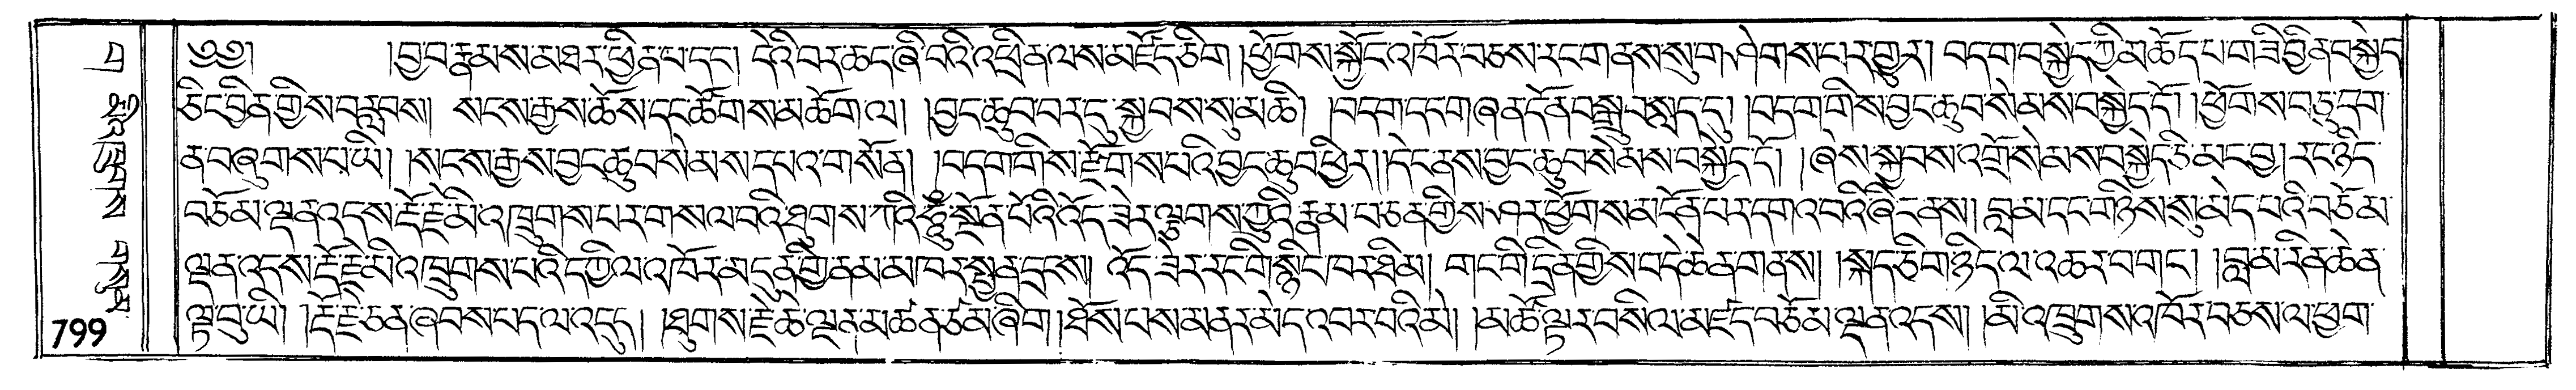༄༅། །བྱ་བ་རྣམས་མཐར་ཕྱིན་པ་དང་། དེའི་བར་ཆད་ཞི་བའི་འཕྲིན་ལས་མཛོད་ཅིག །ཕྱོགས་སྐྱོང་འཁོར་བཅས་རང་གནས་སུ་གཤེགས་པར་གྱུར། བདག་བསྐྱེད་ཀྱི་མཆོད་པ་གཟི་བྱིན་བསྐྱེད་
ཅིང་བྱིན་གྱིས་བརླབས། སངས་རྒྱས་ཆོས་དང་ཚོགས་མཆོག་ལ། །བྱང་ཆུབ་བར་དུ་སྐྱབས་སུ་མཆི། །བདག་དང་གཞན་དོན་བསྒྲུབ་སླད་དུ། །བདག་གིས་བྱང་ཆུབ་སེམས་བསྐྱེད་དོ། །ཕྱོགས་བཅུ་དག་
ན་བཞུགས་པ་ཡི། །སངས་རྒྱས་བྱང་ཆུབ་སེམས་དཔའ་གསོན། །བདག་གིས་རྫོགས་པའི་བྱང་ཆུབ་ཕྱིར། །དེང་ནས་བྱང་ཆུབ་སེམས་བསྐྱེད་དོ། །ཞེས་སྐྱབས་འགྲོ་སེམས་བསྐྱེད་ཅི་མང་བྱ། རང་ཉིད་
བཅོམ་ལྡན་འདས་རྡོ་རྗེ་མི་འཁྲུགས་པར་གསལ་བའི་ཐུགས་ཀའི་ཧཱུཾ་སྔོན་པོའི་འོད་ཟེར་ལྕགས་ཀྱུའི་རྣམ་པ་ཅན་གྱིས་ཤར་ཕྱོགས་མངོན་པར་དགའ་བའི་ཞིང་ནས། བླ་མ་དང་གཉིས་སུ་མེད་པའི་བཅོམ་
ལྡན་འདས་རྡོ་རྗེ་མི་འཁྲུགས་པའི་དཀྱིལ་འཁོར་མདུན་གྱི་ནམ་མཁར་སྤྱན་དྲངས། འོད་ཟེར་རང་གི་སྙིང་ཁར་ཐིམ། གང་གི་དྲིན་གྱིས་བདེ་ཆེན་གནས། །སྐད་ཅིག་ཉིད་ལ་འཆར་བ་གང་། །བླ་མ་རིན་ཆེན་
ལྟ་བུ་ཡི། །རྡོ་རྗེ་ཅན་ཞབས་པད་ལ་འདུད། །ཐུགས་རྗེ་ཆེ་ལྡན་མཚན་ཙམ་ཞིག །ཐོས་པས་མནར་མེད་འབར་བའི་མེ། །མཚོ་ལྟར་བསིལ་མཛད་བཅོམ་ལྡན་འདས། །མི་འཁྲུགས་འཁོར་བཅས་ལ་ཕྱག་